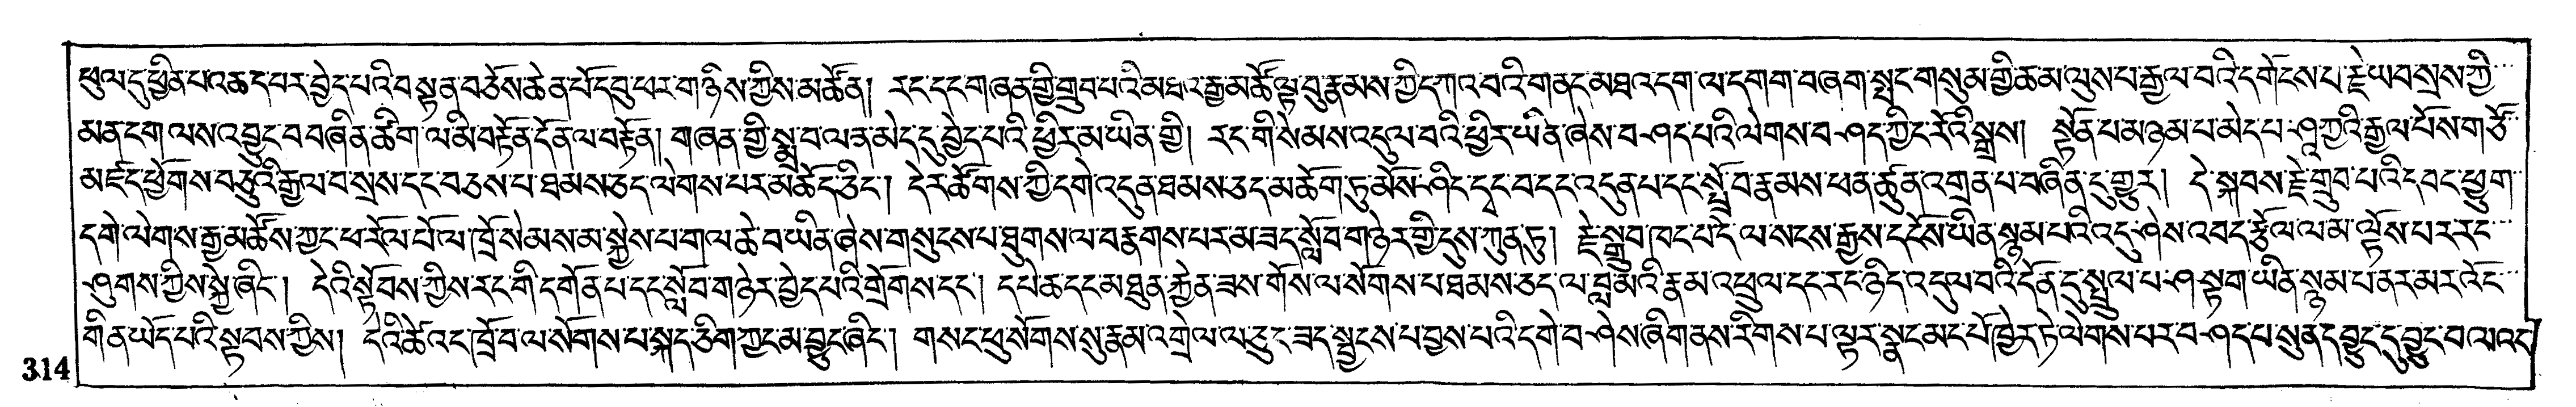ཕུལ་དུ་ཕྱིན་པ་འཆད་པར་བྱེད་པའི་བསྟན་བཅོས་ཆེན་པོ་དབུ་ཕར་གཉིས་ཀྱིས་མཚོན། རང་དང་གཞན་གྱི་གྲུབ་པའི་མཐའ་རྒྱ་མཚོ་ལྟ་བུ་རྣམས་ཀྱི་དཀའ་བའི་གནང་མཐའ་དག་ལ་དགག་བཞག་སྤང་གསུམ་གྱི་ཆ་མ་ལུས་པ་རྒྱལ་བའི་དགོངས་པ་རྗེ་ཡབ་སྲས་ཀྱི་
མན་ངག་ལས་འབྱུང་བ་བཞིན་ཚིག་ལ་མི་བརྟོན་དོན་ལ་བརྟོན། གཞན་གྱི་སྨྲ་བ་ལན་མེད་དུ་བྱེད་པའི་ཕྱིར་མ་ཡིན་གྱི། རང་གི་སེམས་འདུལ་བའི་ཕྱིར་ཡིན་ཞེས་བཤད་པའི་ལེགས་བཤད་ཀྱི་ང་རོའི་སྒྲས། སྟོན་པ་མཉམ་པ་མེད་པ་ཤཱཀྱའི་རྒྱལ་པོས་གཙོ་
མཛད་ཕྱོགས་བཅུའི་རྒྱལ་བ་སྲས་དང་བཅས་པ་ཐམས་ཅད་ལེགས་པར་མཆོད་ཅིང་། དེར་ཚོགས་ཀྱི་དགེ་འདུན་ཐམས་ཅད་མཆོག་ཏུ་མོས་ཤིང་དྭང་པ་དང་འདུན་པ་དང་སྤྲོ་བ་རྣམས་ཕན་ཚུན་འགྲན་པ་བཞིན་དུ་གྱུར། དེ་སྐབས་རྗེ་གྲུབ་པའི་དབང་ཕྱུག་
དགེ་ལེགས་རྒྱ་མཚོས་ཀྱང་ཕ་རོལ་པོ་ལ་ཁྲོ་སེམས་མ་སྐྱེས་པ་གལ་ཆེ་བ་ཡིན་ཞེས་གསུངས་པ་ཐུགས་ལ་བརྣགས་པར་མ་ཟད་སློབ་གཉེར་གྱི་དུས་ཀུན་ཏུ། རྗེ་སྒྲུབ་ཁང་པ་དེ་ལ་སངས་རྒྱས་དངོས་ཡིན་སྙམ་པའི་འདུ་ཤེས་འབད་རྩོལ་ལམ་ལྟོས་པར་རང་
ཤུགས་ཀྱིས་སྐྱ་ཞིང་། དེའི་སྟོབས་ཀྱིས་རང་གི་དགོན་པ་དང་སློབ་གཉེར་བྱེད་པའི་གྲོགས་དང་། དཔེ་ཆ་དང་མཐུན་རྐྱེན་ཟས་གོས་ལ་སོགས་པ་ཐམས་ཅད་ལ་བླ་མའི་རྣམ་འཕྲུལ་དང་རང་ཉིད་འདུལ་བའི་དོན་དུ་སྤྲུལ་པ་ཤ་སྟག་ཡིན་སྙམ་པ་ནར་མར་འོང་
གིན་ཡོད་པའི་སྟབས་ཀྱིས། དེའི་ཚེའང་ཁྲོ་བ་ལ་སོགས་པ་སྐད་ཅིག་ཀྱང་མ་བྱུང་ཞིང་། གསང་ཕུ་སོགས་སུ་རྣམ་འགྲེལ་ལ་ཅུང་ཟད་སྦྱངས་པ་བྱས་པའི་དགེ་བཤེས་ཞིག་ནས་རིགས་པ་ལྟར་སྣང་མང་པོ་ཁྱེར་ཏེ་ལེགས་པར་བཤད་པ་སུན་དབྱུང་དུ་བྱུང་བ་ལའང་